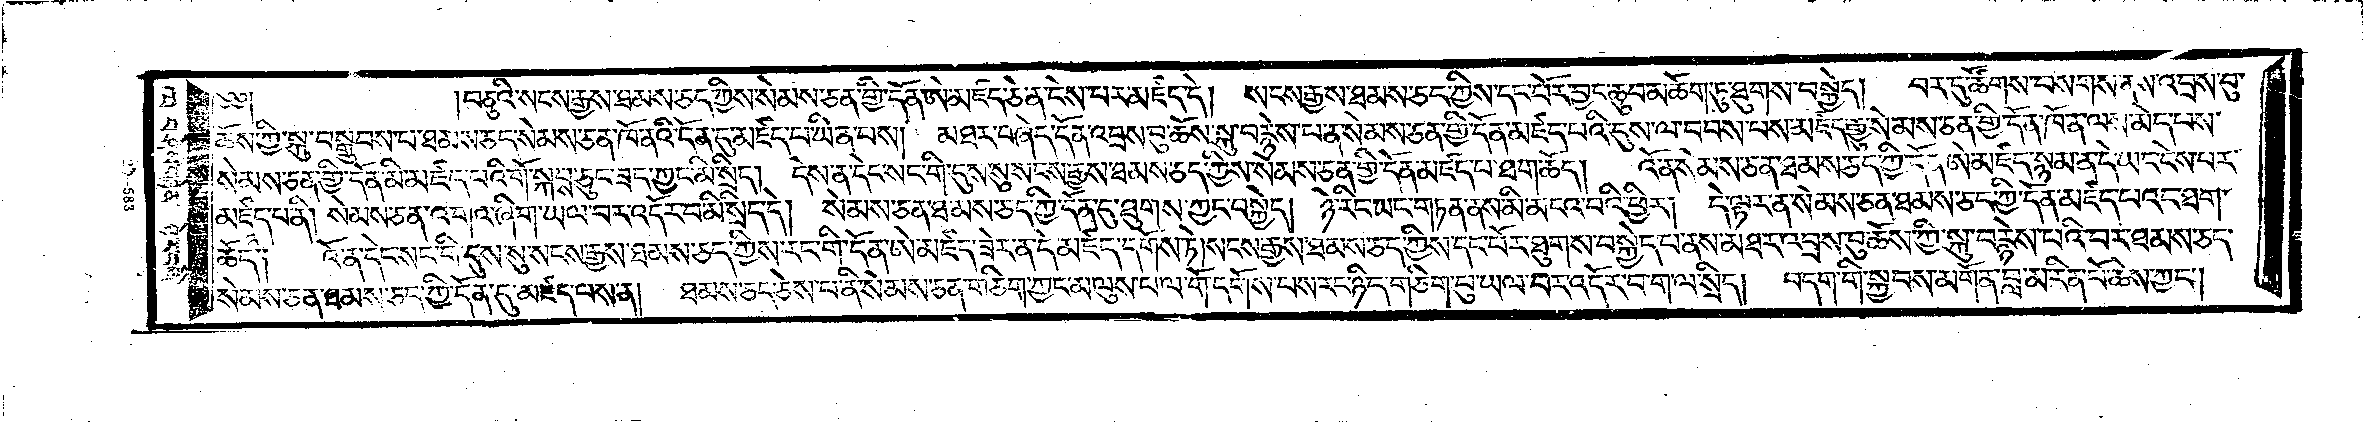༄༅། །བཅུའི་སངས་རྒྱས་ཐམས་ཅད་ཀྱིས་སེམས་ཅན་གྱི་དོན་ཨེ་མཛད་ཅེ་ན་ངེས་པར་མཛད་དེ། སངས་རྒྱས་ཐམས་ཅད་ཀྱིས་དང་པོར་བྱང་ཆུབ་མཆོག་ཏུ་ཐུགས་བསྐྱེད། བར་དུ་ཚོགས་བསགས་ནས་འབྲས་བུ་
ཆོས་ཀྱི་སྐུ་བསྒྲུབས་པ་ཐམས་ཅད་སེམས་ཅན་ཁོ་ནའི་དོན་དུ་མཛད་པ་ཡིན་པས། མཐར་བཞེད་དོན་འབྲས་བུ་ཆོས་སྐུ་བརྙེས་པ་ན་སེམས་ཅན་གྱི་དོན་མཛད་པའི་དུས་ལ་བབས་པས་མཛད་རྒྱུ་སེམས་ཅན་གྱི་དོན་ཁོ་ན་ལས་མེད་པས་
སེམས་ཅན་གྱི་དོན་མི་མཛད་པའི་གོ་སྐབས་ཅུང་ཟད་ཀྱང་མི་སྲིད། དེས་ན་དེང་སང་གི་དུས་སུ་སངས་རྒྱས་ཐམས་ཅད་ཀྱིས་སེམས་ཅན་གྱི་དོན་མཛད་པ་ཐག་ཆོད། འོ་ན་སེམས་ཅན་ཐམས་ཅད་ཀྱི་དོན་ཨེ་མཛད་སྙམ་ན་དེ་ཡང་ངེས་པར་
མཛད་པ་ནི། སེམས་ཅན་འགའ་ཞིག་ཡལ་བར་འདོར་བ་མི་སྲིད་དེ། སེམས་ཅན་ཐམས་ཅད་ཀྱི་དོན་དུ་ཐུགས་ཀྱང་བསྐྱེད། ཉེ་རིང་ཡང་གཏན་ནས་མི་མངའ་བའི་ཕྱིར། དེ་ལྟར་ན་སེམས་ཅན་ཐམས་ཅད་ཀྱི་དོན་མཛད་པའང་ཐག་
ཆོད༑ འོ་ན་དེང་སང་གི་དུས་སུ་སངས་རྒྱས་ཐམས་ཅད་ཀྱིས་རང་གི་དོན་ཨེ་མཛད་ཟེར་ན་དེ་མཛད་དགོས་ཏེ་།སངས་རྒྱས་ཐམས་ཅད་ཀྱིས་དང་པོར་ཐུགས་བསྐྱེད་པ་ནས་མཐར་འབྲས་བུ་ཆོས་ཀྱི་སྐུ་བརྙེས་པའི་བར་ཐམས་ཅད་
སེམས་ཅན་ཐམས་ཅད་ཀྱི་དོན་དུ་མཛད་པས་ན། ཐམས་ཅད་ཅེས་པ་ནི་སེམས་ཅན་གཅིག་ཀྱང་མ་ལུས་པ་ལ་གོ་དགོས་པས་རང་ཉིད་གཅིག་པུ་ཡལ་བར་འདོར་བ་གལ་སྲིད། བདག་གི་སྐྱབས་མགོན་བླ་མ་རིན་པོ་ཆེས་ཀྱང་།